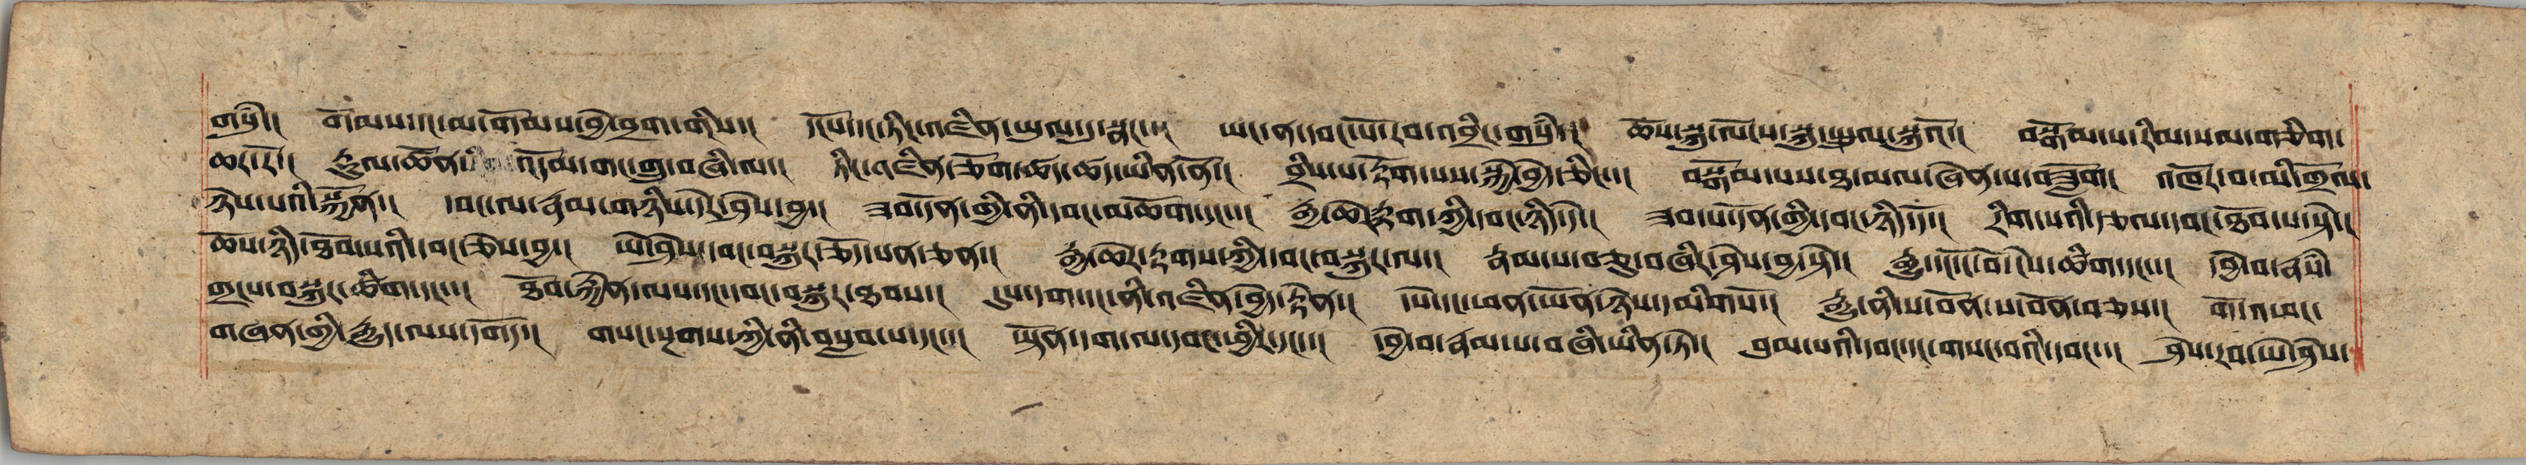གསུཾ་། གོམས་དང་མ་གོམས་བྱེ་བྲག་གིས་། དངོས་དང་ཏིང་འཛིན་ཡུལ་དུ་སྣང་་། ཡང་ན་དབང་པོ་རབ་འབྲིང་གསུཾ་། ཆོས་སྐུ་ལོངས་སྐུ་སྤྲུལ་སྐུའོ་། བསྒོམ་པ་རིམ་སམ་གཅིག་
ཆར་རོ་། རྡུལ་ཚོན་འདོམ་གང་གྲུ་བཞི་ལ་། ཏིང་འཛིན་ཅོག་ཚད་ཚད་ཡིན་ནོ་། བྲིས་པ་རྟོག་པས་སྐྱེ་བྱེད་ཅིང་་། བསྒོམ་པས་ཐ་མལ་ཞེན་པ་བཟློག། འཁོར་བ་མི་གྲོལ་
ཉེས་པའི་སྐྱོན་། དབང་ལ་རྣམ་གཉིས་དེར་ཤེས་བྱ་། ཟབ་དོན་གྱི་ནི་དབང་མཆོག་དང་། རྒྱ་ཆེར་རྟག་གྱི་དབང་ཉིད་དེ་། ཟབ་པ་དོན་གྱི་དབང་ཉིད་དོ་། རིག་པའི་རྩལ་དབང་ཐོབ་པ་སྟེ་།
ཆོས་ཉིད་ཐོབ་པའི་དབང་ཅེས་བྱ་། ཡེ་ཤེས་དབང་བསྐུར་ཅོད་པན་ཅན་། རྒྱ་ཆེར་རྟགས་ཀྱི་དབང་བསྐུར་ལ་། རྣམ་པ་བཅུ་བཞིར་ཤེས་བྱ་སྟེ་། རྒྱུ་དང་ངོ་བོ་ངེས་ཚིག་དང་་། དབྱེ་བ་རྣཾས་
གྲངས་བསྐུར་ཚིག་དང་་། ཐོབ་རྐྱེན་ལས་དང་དབང་བསྐུར་ཐབས་། དུས་དག་དང་ནི་འཛིན་བྱེད་རྟེན་། དཔེ་དང་ཕན་ཡོན་ཉེས་དམིགསོ་། རྒྱུ་ནི་ས་བོན་ས་བོན་བཅས་། གོ་འཕང་
གཞན་གྱི་རྒྱུད་ལས་དགོད་། གསང་སྔཌ་ཀྱི་ནི་བསླབ་པ་དང་་། ཡྟོན་དག་ལ་དབང་ཕྱིར་དང་་། དབྱེ་བ་རྣམ་པ་བཞི་ཡིན་ཏེ་། བུམ་པའི་དབང་དང་གསང་བའི་དབང་་། ཤེས་རབ་ཡེ་ཤེས་